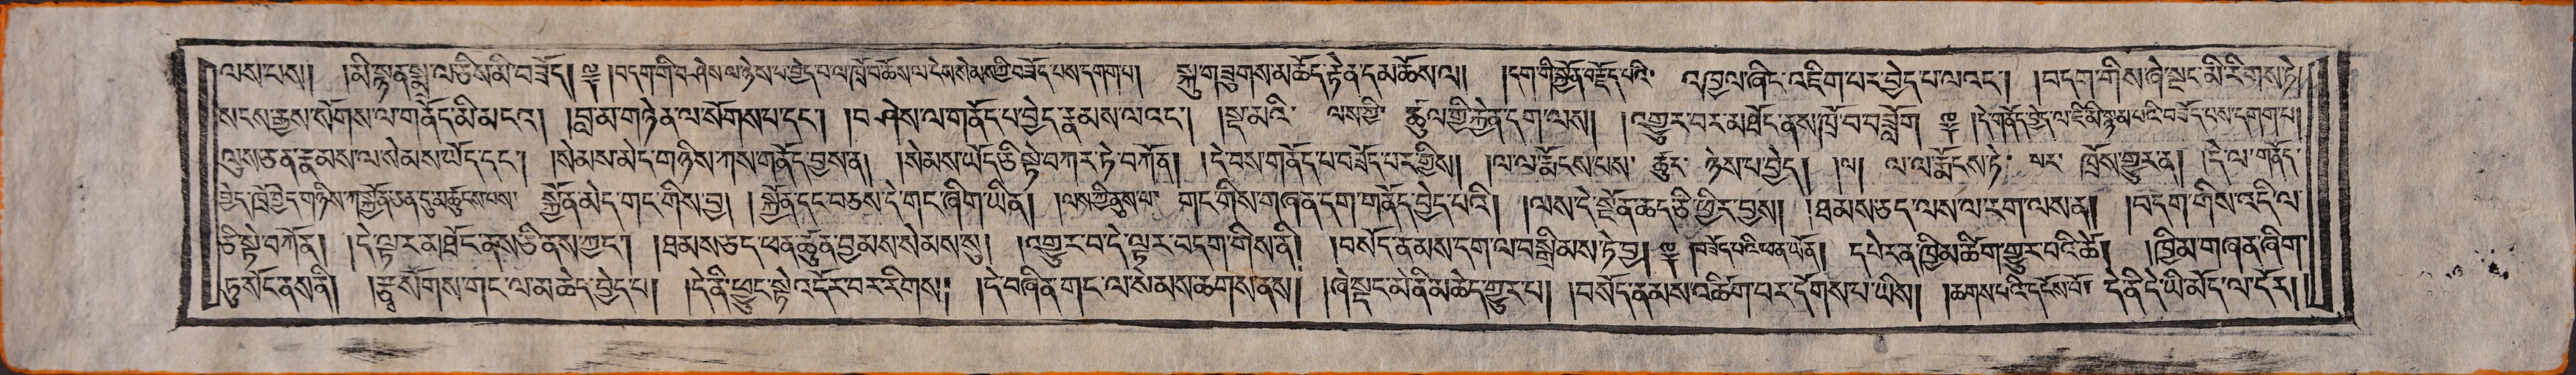ལས་པས། །མི་སྙན་སྨྲ་ལ་ཅིས་མི་བཟོད། ༈ །བདག་གི་བཤེས་ལ་ཉེས་པ་བྱེད་པ་ལ་ཁྲོ་བ་ཆོས་ལ་ངེས་སེམས་ཀྱི་བཟོད་པས་དགག་བ། སྐུ་གཟུགས་མཆོད་རྟེན་དམ་ཆོས་ལ། །དག་གི་སྐྱོན་བརྗོད་པའི་འཁྱལ་ཞིང་འཇིག་པར་བྱེད་པ་ལའང་། །བདག་གིས་ཞེ་སྡང་མི་རིགས་ཏེ།།
སངས་རྒྱས་སོགས་ལ་གནོད་མི་མངའ། །བླ་མ་གཉེན་ལ་སོགས་པ་དང་། །བཤེས་ལ་གནོད་པ་བྱེད་རྣམས་ལའང་། །སྔ་མའི་ལས་ཀྱི་ཚུལ་གྱི་རྐྱེན་དག་ལས། །འགྱུར་བར་མཐོང་ནས་ཁྲོ་བ་བཟློག ༈ །དེ་གནོད་བྱེད་ལ་ཇི་མི་སྙམ་པའི་བཟོད་པས་དགག་པ།
ལུས་ཅན་རྣམས་ལ་སེམས་ཡོད་དང་། །སེམས་མེད་གཉིས་ཀས་གནོད་བྱས་ན། །སེམས་ཡོད་ཅི་སྟེ་བཀར་ཏེ་བཀོན། །དེ་བས་གནོད་བ་བཟོད་པར་གྱིས། །ལ་ལ་རྨོངས་པས་ཚུར་ཉེས་པ་བྱེད། །ལ། ལ་ལ་རྨོངས་ཏེ་པར་ཁྲོས་གྱུར་ན། །དེ་ལ་གནོད་
བྱེད་ཁྲོ་བྱེད་གཉིས་ཀ་སྐྱོན་ཅན་དུ་མཚུངས་པས་སྐྱོན་མེད་གང་གིས་བྱ། །སྐྱོན་དང་བཅས་དེ་གང་ཞིག་ཡིན། །ལས་ཀྱི་ནུས་པ་གང་གིས་གཞན་དག་གནོད་བྱེད་པའི། །ལས་དེ་སྔོན་ཆད་ཅི་ཕྱིར་བྱས། །ཐམས་ཅད་ལས་ལ་རག་ལས་ན། །བདག་གིས་འདི་ལ་
ཅི་སྟེ་བཀོན། །དེ་ལྟར་མཐོང་ནས་ཅི་ནས་ཀྱང་། །ཐམས་ཅད་ཕན་ཚུན་བྱམས་སེམས་སུ། །འགྱུར་བ་དེ་ལྟར་བདག་གིས་ནི། །བསོད་ནམས་དག་ལ་བསྒྲིམས་ཏེ་བྱ། ༈ །བཟོད་པའི་ཕན་ཡོན། དཔེར་ན་ཁྱིམ་ཚིག་གྱུར་བའི་ཚེ། །ཁྱིམ་གཞན་ཞིག་
ཏུ་སོང་ནས་ནི། །རྩྭ་སོགས་གང་ལ་མཆེད་བྱེད་པ། །དེ་ནི་ཕྱུང་སྟེ་འདོར་བར་རིགས། །དེ་བཞིན་གང་ལ་སེམས་ཆགས་ནས། །ཞེ་སྡང་མི་ནི་མཆེད་གྱུར་པ། །བསོད་ནམས་འཚིག་བར་དོགས་པ་ཡིས། །ཆགས་པའི་དངོས་པོ་དེ་ནི་དེ་ཡི་མོད་ལ་དོར། །